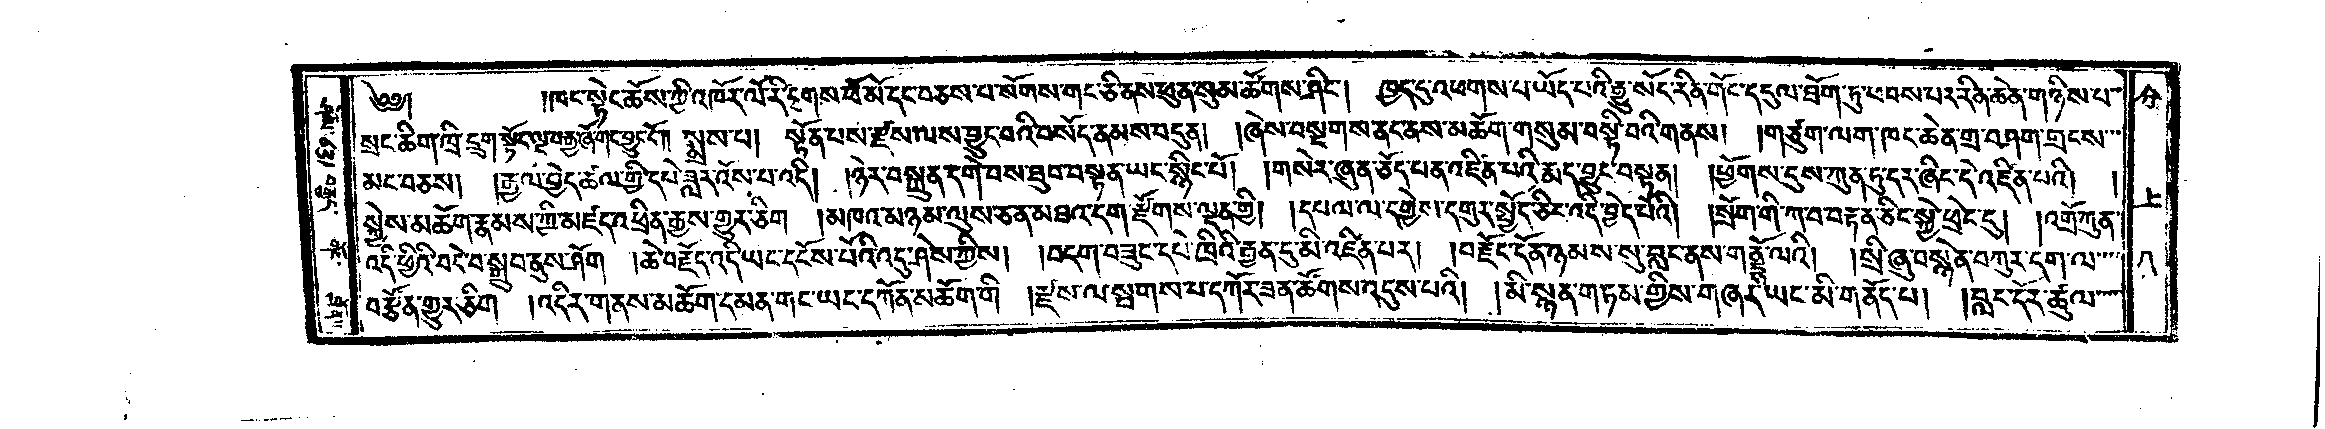༄༅། །ཁང་སྟེང་ཆོས་ཀྱི་འཁོར་ལོ་རི་དྭགས་ཕོ་མོ་དང་བཅས་པ་སོགས་གང་ཅི་ནས་ཕུན་སུམ་ཚོགས་ཤིང་། ཁྱད་དུ་འཕགས་པ་ཡོད་པའི་རྒྱུ་སོང་རིན་གོང་དངུལ་ཐོག་ཏུ་ཕབས་པར་རིན་ཆེན་གཉིས་པ་
སྲང་ཆིག་ཁྲི་དྲུག་སྟོང་ལྔ་བརྒྱ་ཞོ་གང་བྱུང་ངོ།། སྨྲས་པ། སྟོན་པས་རྫས་ལས་བྱུང་བའི་བསོད་ནམས་བདུན། །ཞེས་བསྔགས་ནང་ནས་མཆོག་གསུམ་བསྟི་བའི་གནས། །གཙུག་ལག་ཁང་ཆེན་གྲ་བཤག་གྲངས་
མང་བཅས། །རྒྱལ་བྱེད་ཚལ་གྱི་དཔེ་ཟླར་འོས་པ་འདི། །ཉེར་བསྐྲུན་དགེ་བས་ཐུབ་བསྟན་ཡང་སྙིང་པོ། །གསེར་ཞུན་ཅོད་པན་འཛིན་པའི་རྨད་བྱུང་བསྟན། །ཕྱོགས་དུས་ཀུན་ཏུ་དར་ཞིང་དེ་འཛིན་པའི། །
སྐྱེས་མཆོག་རྣམས་ཀྱི་མཛད་འཕྲིན་རྒྱས་གྱུར་ཅིག །མཁའ་མཉམ་ལུས་ཅན་མཐའ་དག་རྫོགས་ལྡན་གྱི། །དཔལ་ལ་དགྱེས་དགུར་སྤྱོད་ཅིང་འདི་བྱེད་པོའི། །སྲོག་གི་ཀ་བ་བརྟན་ཅིང་སྐྱེ་ཕྲེང་དུ། །འགྲོ་ཀུན་
འདི་ཕྱིའི་བདེ་བ་སྒྲུབ་ནུས་ཤོག །ཆེ་བརྗོད་འདི་ཡང་དངོས་པོའི་འདུ་ཤེས་ཀྱིས། །བདག་བཟུང་དཔེ་ཁྲིའི་རྒྱན་དུ་མི་འཛིན་པར། །བརྗོད་དོན་ཉམས་སུ་བླང་ནས་གནྡྷོ་ལའི། །སྲི་ཞུ་བསྙེན་བཀུར་དག་ལ་
བརྩོན་གྱུར་ཅིག །འདིར་གནས་མཆོག་དམན་གང་ཡང་དཀོན་མཆོག་གི །རྫས་ལ་སྦགས?་པ་དཀོར་ཟན་ཚོགས་འདུས་པའི། །མི་སྙན་གཏམ་གྱིས་གཞར་ཡང་མི་གནོད་པ། །བླང་དོར་ཚུལ་